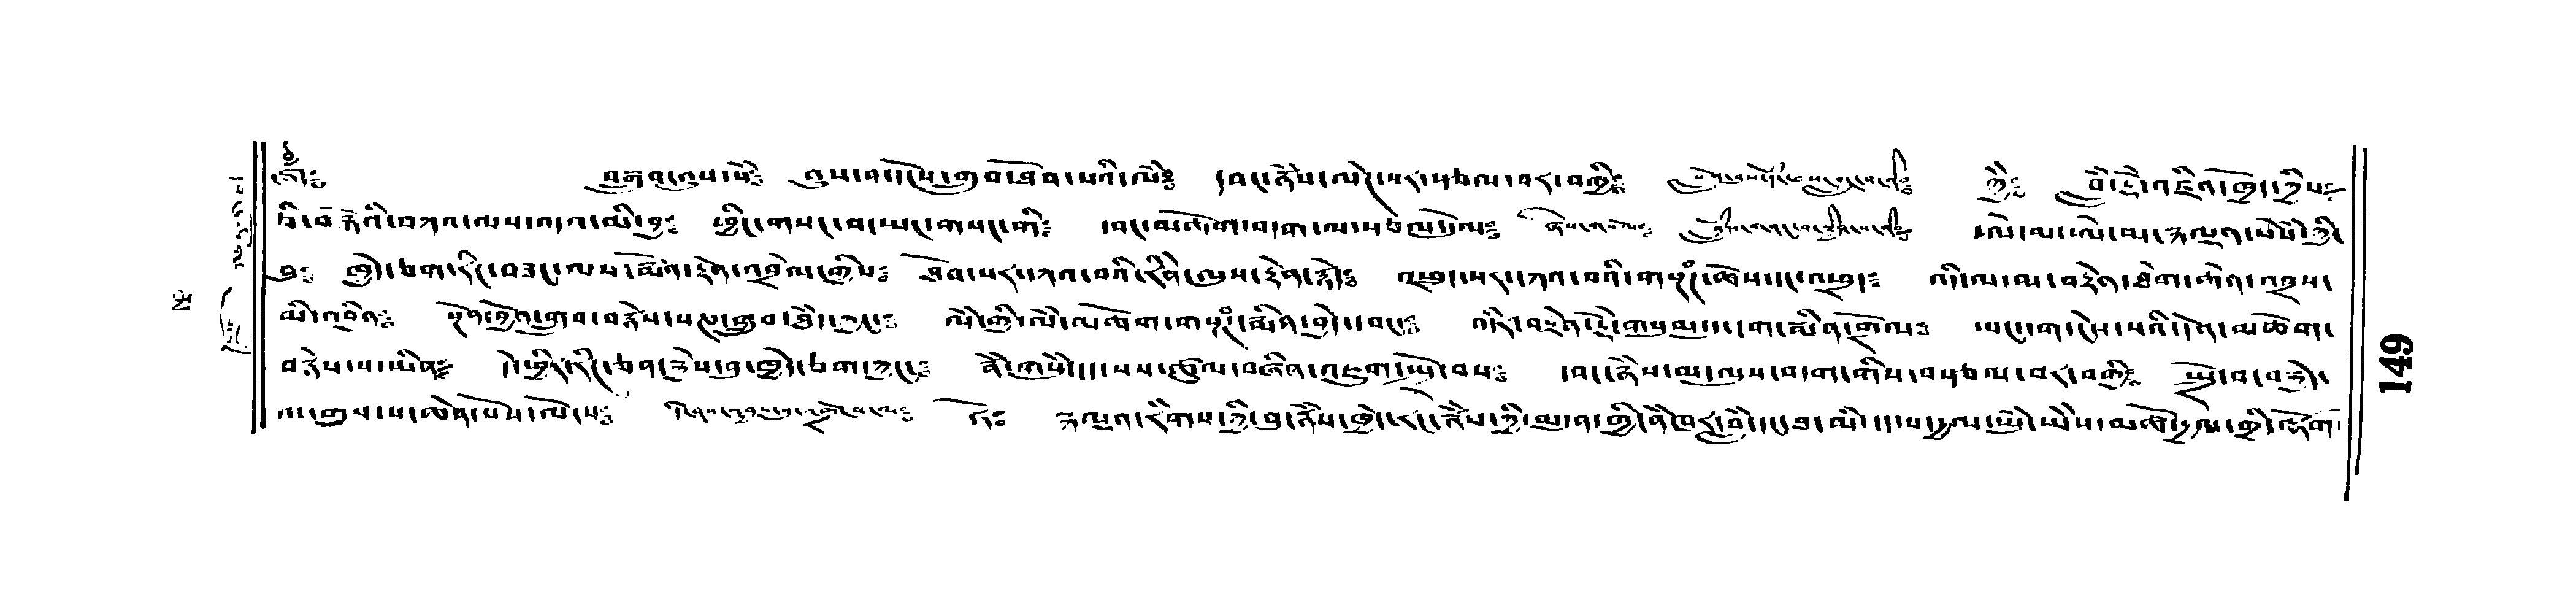བསྒྲུབ་ནུས་སམ༔ ནུས་ན་དངོས་གྲུབ་ཐོབ་པའི་ལམ༔ དབང་རྣམས་ལེགས་པར་བསྩལ་བར་བགྱི༔ སློབ་བུས་དམ་ཁས་བླང་བ་ནི༔ ཀྱཻ༔ བླ་མ་རྡོ་རྗེ་འཛིན་ཁྱོད་ཀྱིས༔ 
ཅི་བསྒོའི་བཀའ་ལས་འདའ་མི་བྱ༔ ཕྱི་ནང་གསང་བ་ཡང་གསང་གི༔ དབང་མཆོག་བདག་ལ་བསྩལ་དུ་སོལ༔ ཞེས་གསོལ༔ བླ་མས་གནང་བ་སྦྱིན་པ་ནི༔ ཨེ་མ་ཨེ་མ་སྐལ་ལྡན་སེམས་ཀྱི་
བུ༔ ཁྱེད་ཅག་རིགས་བཟང་ལས་སྨོན་རྟེན་འབྲེལ་གྱིས༔ ཐོབ་པར་དཀའ་བའི་རིན་ཆེན་ལུས་རྟེན་རྙེད༔ འཕྲད་པར་དཀའ་བའི་གསང་སྔགས་ཆོས་དང་འཕྲད༔ འདི་ལ་མ་བརྟེན་ཐེག་ཆེན་འབྲས་
མི་འབྱིན༔ སྔོན་བྱོན་གྲུབ་བརྙེས་པཎ་གྲུབ་ཐམས་ཅད་ཀྱང༔ ལམ་གྱི་ལམ་མཆོག་གསང་སྔགས་སྨིན་བྱེད་དབང༔ འདིར་བརྟེན་རྡོ་རྗེ་གསུམ་དུ་དག་སྨིན་གྲོལ༔ ཡང་དག་ངེས་པའི་དོན་མཆོག་
བརྙེས་པ་ཡིན༔ དེ་ཕྱིར་རིགས་ཅན་སྐྱེས་བུ་ཁྱེད་ཅག་ཀྱང༔ རྣམགསུམ་དད་པས་ཚུལ་བཞིན་འཇུག་སྤྲོ་བས༔ དབང་རྣམས་མ་ལུས་བདག་གིས་བསྩལ་བར་བགྱི༔ སྤྲོ་བ་བསྐྱེད་
ལ་གུས་པ་ཆེན་པོས་ལོངས༔ དེ་ནས་སྐྱབས་སུ་འགྲོ་བ་ལ༔ ཧོཿ སྐལ་ལྡན་རིགས་ཀྱི་བུ་རྣམས་ཁྱེད་རང་རྣམས་ཀྱི་མདུན་གྱི་ནམ་མཁར་བླ་མ་དང་ཐ་མི་དད་པ་རྒྱལ་ཡུམ་ཡེ་ཤེས་མཚོ་རྒྱལ་གྱི་ལྷ་ཚོགས་